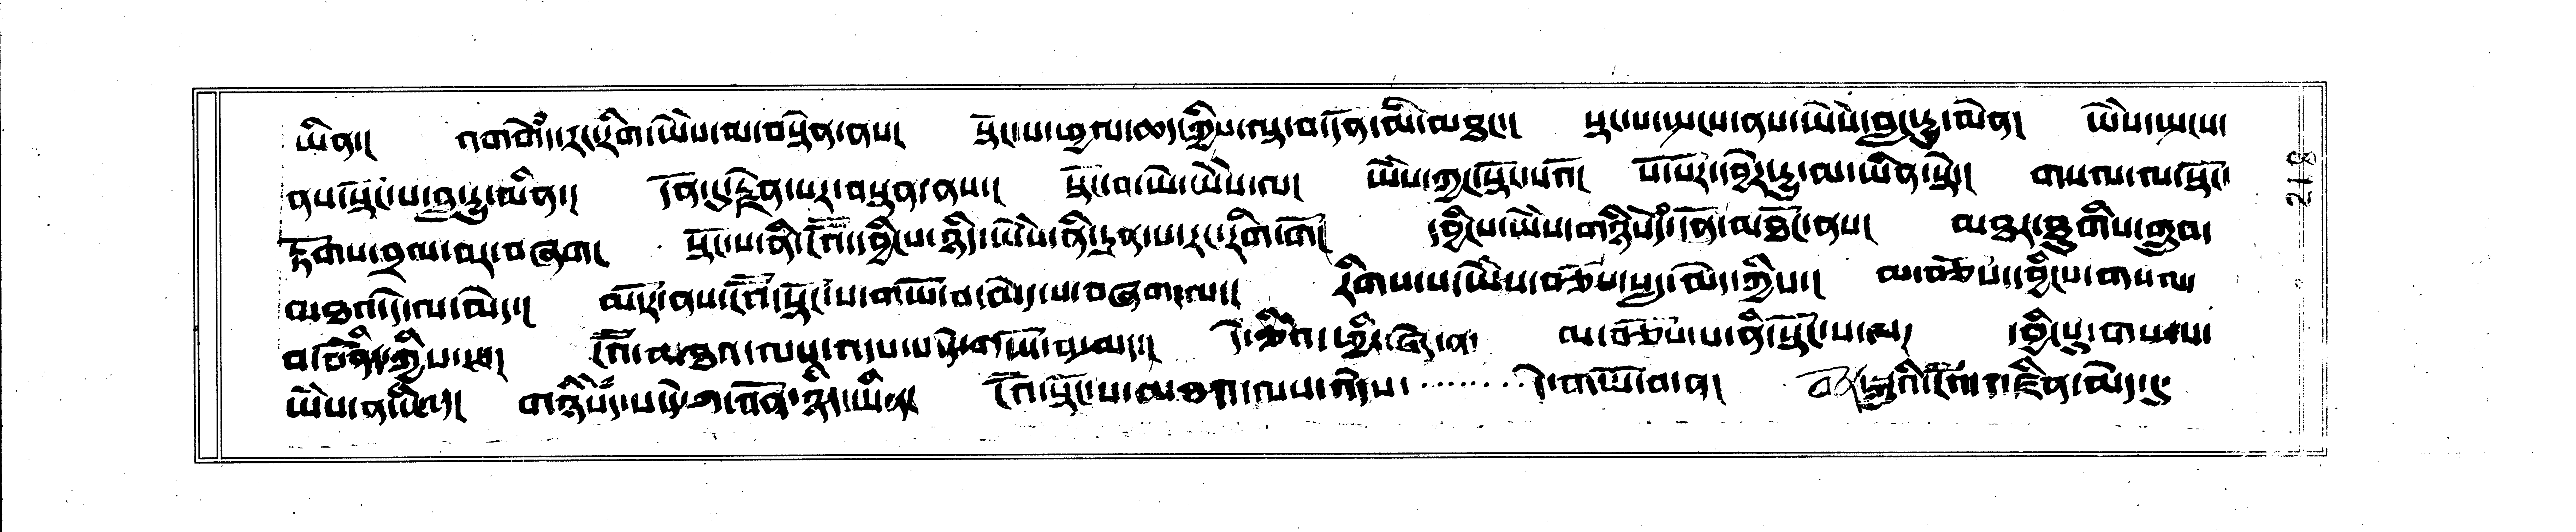ཡིན། འགག་མེད་རང་རིག་ཡེ་ཤེས་མ་བསྟེན་ནས། སྟོང་པ་ཕྱལ་ཆད་ཀྱིས་ལྟ་བ་༼བས༽དོན་མི་མཐོང་། སྟོང་པ་སྤངས་ནས་ཡེ་ཤེས་བླང་རྒྱུ་མིན། ཡེ་ཤེས་སྤངས་
ནས་སྟོང་པ་བླང་རྒྱུ་མིན། དོན་དུ་རྗེན་པར་བསྟན་ནས། སྟོང་པ་ཡེ་ཡེ་ཤེས་ལ། ཡེ་ཤེས་ཀྱང་སྟོང་པའོ། སོ་སོར་དབྱེར་རྒྱུ་མ་ཡིན་སྟེ། གསལ་ལ་སྟོང་
རྟོག་བྲལ་བར་བཞག སྟོང་པ་ནི་ངོའོ་དབྱིངས་ཉིད་ཡེ་ཤེས་ནི་དྲན་པ་རང་རིག་གོ། དབྱིངས་ཡེ་ཤེས་གཉིས་མེད་དོན་མཐོང་ནས། མཐར་ཐུག་གིས་གྲུབ་
མཐའ་དེ་ལ་མེད། མདོར་ན་ངོའོ་སྟོང་པ་གཡོ་བ་མེད་པ་བཞག་ལ། རིགས་པ་ཡེ་ཤེས་བཅོས་སླད་མེད་ཀྱིས།” མ་བཅོས་དབྱིངས་སུ་གསལ་
བ་བོན་ཉིད་ངང་། ངོའོ་མཐའ་ལས་འདས་ཏེ་གཡོ་བ་མེད། དེ་ཡང་ཅིའི་ཕྱིར་ཞེ་ན། མ་བཅོས་པ་ནི་སྟོང་པ་ལ། དབྱིངས་སུ་གསལ་བ་
ཡེ་ཤེས་ཡིན། གཉིས་སུ་མེད་པ་དེ་ཀ་བོན་ཉིད་ཡིན། ངོའོ་མཐའ་ལས་འདས་ཏེ་གཡོ་བ་མེད་པ་ནི། བོན་སྐུའི་ངོའོ་འཛིན་མེད་དུ་